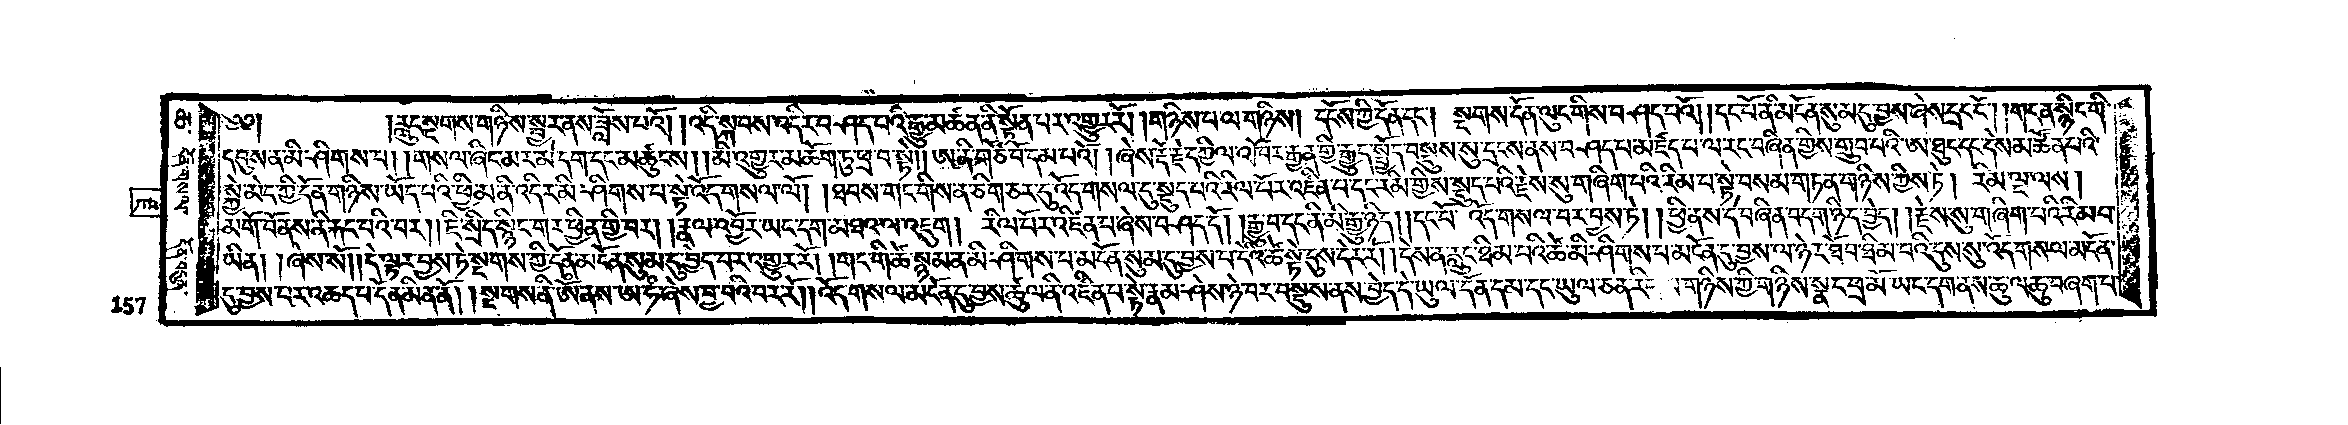༄༅། །རླུང་སྔགས་གཉིས་སྦྱར་ནས་ཟློས་པའོ། །འདི་སྐབས་འདིར་བཤད་པའི་རྒྱུ་མཚན་ནི་སྟོན་པར་འགྱུར་རོ། །གཉིས་པ་ལ་གཉིས། དངོས་ཀྱི་དོན་དང་། སྔགས་དོན་ལུང་གིས་བཤད་པའོ། །དང་པོ་ནི་མངོན་སུམ་དུ་བྱས་ཞེས་དྲང་ངོ། །གང་ན་སྙིང་གི་
དབུས་ན་མི་ཤིགས་པ། །གསལ་ཞིང་མར་མེ་དག་དང་མཚུངས། །མི་འགྱུར་མཆོག་ཏུ་ཕྲ་བ་སྟེ། །ཨ་ནི་གཙོ་བོ་དམ་པའོ། །ཞེས་རྡོ་རྗེ་དཀྱིལ་འཁོར་རྒྱན་གྱི་རྒྱུད་སྤྱོད་བསྡུས་སུ་དྲངས་ནས་བཤད་པ་མཛད་པ་ལ་རང་བཞིན་གྱིས་གྲུབ་པའི་ཨ་ཐུང་དང་དེས་མཚོན་པའི་
སྐྱེ་མེད་ཀྱི་དོན་གཉིས་ཡོད་པའི་ཕྱི་མ་ནི་འདིར་མི་ཤིགས་པ་སྟེ་འོད་གསལ་ལོ། །ཐབས་གང་གིས་ན་ཅིག་ཅར་དུ་འོད་གསལ་དུ་སྡུད་པའི་རིལ་པོར་འཛིན་པ་དང་རིམ་གྱིས་སྡུད་པའི་རྗེས་སུ་གཞིག་པའི་རིམ་པ་སྟེ་བསམ་གཏན་གཉིས་ཀྱིས་ཏེ། རིམ་ལྔ་ལས།
མགོ་བོ་ནས་ནི་རྐང་པའི་བར། །ཇི་སྲིད་སྙིང་གར་ཕྱིན་གྱི་བར། །རྣལ་འབྱོར་ཡང་དག་མཐའ་ལ་འཇུག །རིལ་པོར་འཛིན་པ་ཞེས་བཤད་དོ། །རྒྱུ་བ་དང་ནི་མི་རྒྱུ་ཉིད། །དང་པོ་འོད་གསལ་བར་བྱས་ཏེ། །ཕྱི་ནས་དེ་བཞིན་བདག་ཉིད་བྱེད། །རྗེས་སུ་གཞིག་པའི་རིམ་པ་
ཡིན། །ཞེས་སོ། །དེ་ལྟར་བྱས་ཏེ་སྔགས་ཀྱི་དོན་མངོན་སུམ་དུ་བྱེད་པར་འགྱུར་རོ། །གང་གི་ཚེ་སྙམ་ན་མི་ཤིགས་པ་མངོན་སུམ་དུ་བྱས་པ་དེའི་ཚེ་སྟེ་དུས་དེར་རོ། །དེས་ན་རླུང་ཐིམ་པའི་ཚེ་མི་ཤིགས་པ་མངོན་དུ་བྱས་ལ་ཉེར་ཐོབ་ཐིམ་པའི་དུས་སུ་འོད་གསལ་མངོན་
དུ་བྱས་པར་འཆད་པ་དོན་མིན་ནོ། །སྔགས་ནི་ཨོཾ་ནས་ཨ་ཧཾ་ཞེས་བྱ་བའི་བར་རོ། །འོད་གསལ་མངོན་དུ་བྱས་ཚུལ་ནི་འཛིན་པ་སྟེ་རྣམ་ཤེས་ཉེ་བར་བསྡུས་ནས་བྱེད་དེ་ཡུལ་དོན་དམ་དང་ཡུལ་ཅན་རིག་པ་གཉིས་ཀྱི་གཉིས་སྣང་ཕྲ་མོ་ཡང་དག་ནས་ཆུ་ལ་ཆུ་བཞག་པ་